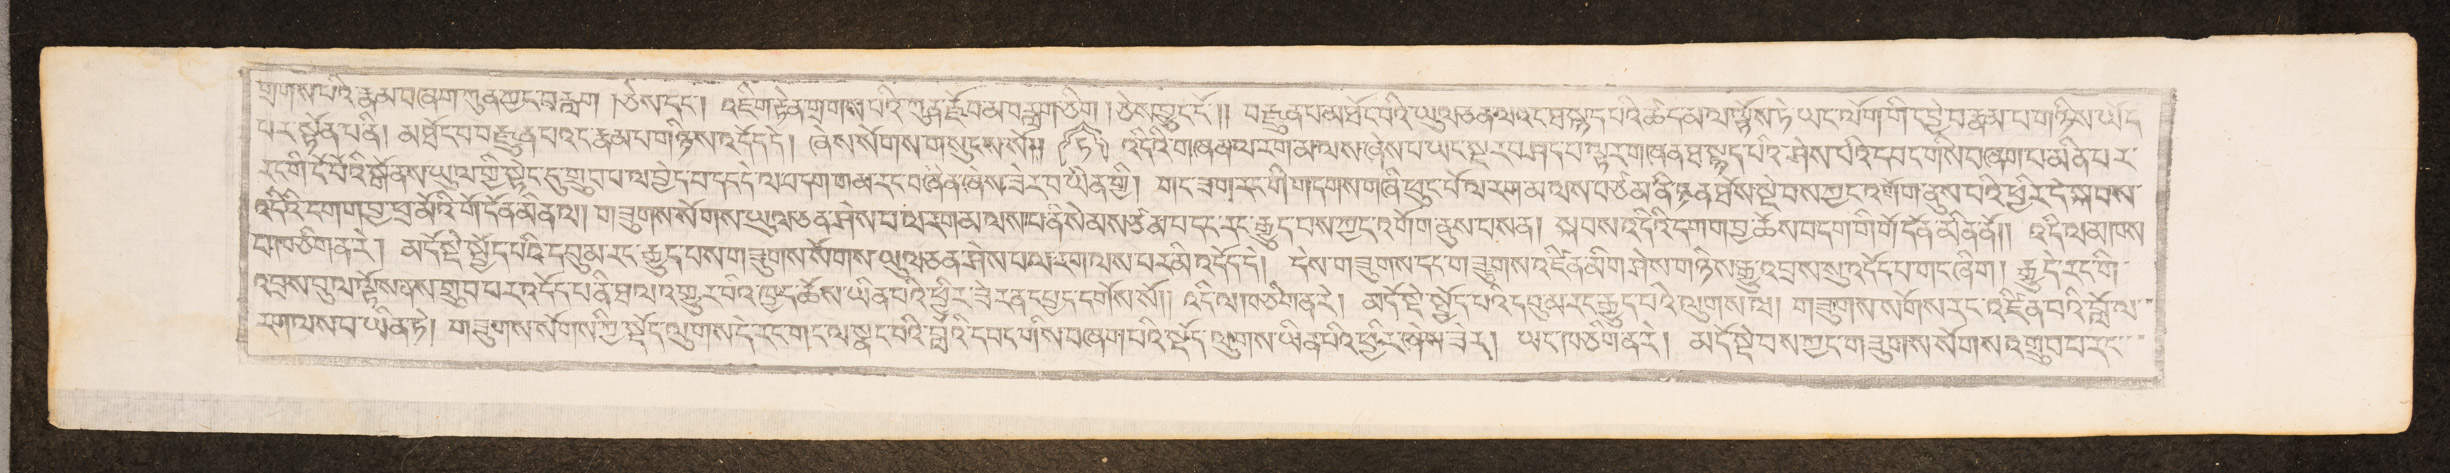།གྲགས་པའི་རྣམ་བཞག་ཀུན་ཀྱང་བརླག ། ཅེས་དང་། འཇིག་རྟེན་གྲགས་པའི་ཀུན་རྫོབ་མ་བླག་ཅིག། ཅེས་བྱུང་ངོ།། བརྫུན་པ་མཐོང་བའི་ཡུལ་ཅན་ལའང་ཐ་སྙད་པའི་ཚད་མ་ལ་ལྟོས་ཏེ་ཡང་ལོག་གི་དབྱེ་བ་རྣམ་པ་གཉིས་ཡོད་
པར་སྟོན་པ་ནི། མཐོང་བ་བརྫུན་པའང་རྣམ་པ་གཉིས་འདོད་དེ། ཞེས་སོགས་གསུངས་སོ།། ༼༽ཏ༼༽ འདིའི་གཞན་ལ་རག་མ་ལས་ཞེས་པ་ཡང་སྔར་བཤད་པ་ལྟར་གཞན་ཐ་སྙད་པའི་ཤེས་པའི་དབང་གིས་བཞག་པ་མིན་པར་
རང་གི་ངོ་བོའི་སྒོ་ནས་ཡུལ་གྱི་སྟེང་དུ་གྲུབ་པ་ལ་བྱེད་པ་དང་དེ་ལ་བདག་གམ་རང་བཞིན་ཞེས་ཟེར་བ་ཡིན་གྱི། གང་ཟག་རང་གི་གདགས་གཞི་ཕུང་པོ་ལ་རག་མ་ལས་བཙམ་ནི་ཉན་ཐོས་སྡེ་བས་ཀྱང་འགོག་ནུས་པའི་ཕྱིར་དེ་སྐབས་
འདིའི་དགག་བྱ་ཕྲ་མོའི་གོ་དོན་མིན་ལ། གཟུགས་སོགས་ཡུལ་ཅན་ཤེས་པ་ལ་རག་མ་ལས་པ་ནི་སེམས་ཙམ་པ་དང་རང་རྒྱུད་པས་ཀྱང་འགོག་བུས་པས་ན། སྐབས་འདིའི་དགག་བྱ་ཆོས་བདག་གི་གོ་མིན་ནོ།། འདི་ལ་མཁས་
པ་ཁ་ཅིག་ན་རེ། མདོ་སྡེ་སྦྱོར་པའི་དབུ་མ་རང་རྒྱུད་པས་གཟུགས་སོགས་ཡུལ་ཅན་ཤེས་པ་ལ་རག་ལས་པར་མི་འདོད་དེ། དེས་གཟུགས་དང་གཟུགས་འཛིན་མིག་ཤེས་གཉིས་རྒྱུ་འབྲས་སུ་འདོད་པ་གང་ཞིག། རྒྱུ་དེ་རང་གི་
འབྲས་བུལ་ལྟོས་ནས་གྲུབ་པར་འདོད་པ་ན་ཐལ་འགྱུར་བའི་ཁྱད་ཆོས་ཡིན་བའི་ཕྱིར་ཟེར་ནང་དཔྱད་དགོས་སོ།། འདི་ལ་ཁ་ཅིག་ན་རེ། མདོ་སྡེ་སྤྱོད་པའི་དབུ་མར་རང་རྒྱུད་པའི་ལུགས་ལ། གཟུགས་སོགས་རང་འཛིན་པའི་བློ་ལ་
རག་ལས་པ་ཡིན་ཏེ། གཟུགས་སོགས་ཀྱི་སྡོད་ལུགས་དེ་རང་གང་ལ་སྣང་བའི་བློའི་དབང་གིས་བཞག་པའི་སྡོད་ལུགས་ཡིན་པའི་ཕྱིར་ཞེས་ཟེར། ཡང་ཁ་ཅིག་ན་རེ། མདོ་སྡེ་བས་ཀྱང་གཟུགས་སོགས་འགྲུབ་པ་རང་